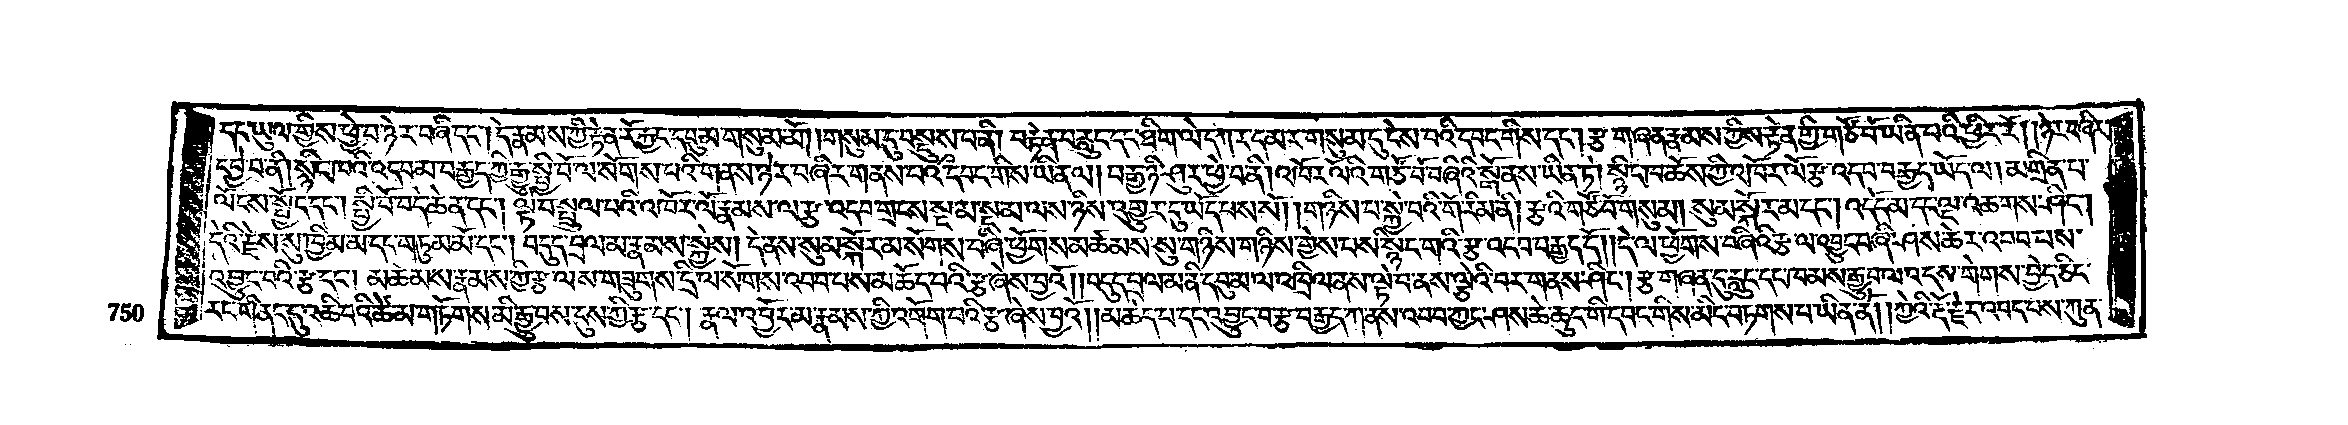དང་ཡུལ་གྱིས་ཕྱེ་བ་ཉེར་བཞི་དང་། དེ་རྣམས་ཀྱི་རྟེན་རོ་རྐྱང་དབུ་མ་གསུམ་མོ། །གསུམ་དུ་བསྡུས་པ་ནི། བརྟེན་པ་རླུང་དང་ཐིག་ལེ་དཀར་དམར་གསུམ་དུ་ངེས་པའི་དབང་གིས་དང་། རྩ་གཞན་རྣམས་ཀྱིས་རྟེན་གྱི་གཙོ་བོ་ཡིན་པའི་ཕྱིར་རོ། །ཉེར་བཞིར་
དབྱེ་བ་ནི། སྙིང་ཁའི་འདབ་མ་བརྒྱད་ཀྱི་རྒྱུ་སྤྱི་བོ་ལ་སོགས་པའི་གནས་ཉེར་བཞིར་གནས་པའི་དབང་གིས་ཡིན་ལ། བརྒྱ་ཉི་ཤུར་ཕྱེ་བ་ནི། འཁོར་ལོའི་གཙོ་བོ་བཞིའི་སྒོ་ནས་ཡིན་ཏེ། སྙིང་ཁ་ཆོས་ཀྱི་འཁོར་ལོ་རྩ་འདབ་བརྒྱད་ཡོད་ལ། མགྲིན་པ་
ལོངས་སྤྱོད་དང་། སྤྱི་བོ་བདེ་ཆེན་དང་། ལྟེ་བ་སྤྲུལ་པའི་འཁོར་ལོ་རྣམས་ལ་རྩ་འདབ་གྲངས་སྔ་མ་སྔ་མ་ལས་ཉིས་འགྱུར་དུ་ཡོད་པས་སོ། །གཉིས་པ་སྐྱེ་བའི་གོ་རིམ་ནི། རྩའི་གཙོ་བོ་གསུམ། སུམ་སྐོར་མ་དང་། འདོད་མ་དང་ལྔ་འཆགས་ཤིང་།
དེའི་རྗེས་སུ་ཁྱིམ་མ་དང་གཏུམ་མོ་དང་། བདུད་བྲལ་མ་རྣམས་སྐྱེས། དེ་ནས་སུམ་སྐོར་མ་སོགས་བཞི་ཕྱོགས་མཚམས་སུ་གཉིས་གཉིས་གྱེས་པས་སྙིང་གའི་རྩ་འདབ་བརྒྱད་དོ། །དེ་ལ་ཕྱོགས་བཞིའི་རྩ་ལ་འབྱུང་བཞི་ཤས་ཆེར་འབབ་པས་
འབྱུང་བའི་རྩ་དང་། མཚམས་རྣམས་ཀྱི་རྩ་ལས་གཟུགས་དྲི་ལ་སོགས་འབབ་པས་མཆེད་པའི་རྩ་ཞེས་བྱའོ། །བདུད་བྲལ་མ་ནི་དབུ་མ་ལ་འཁྲིལ་ནས་ལྟེ་བ་ནས་ལྕེའི་བར་གནས་ཤིང་། རྩ་གཞན་དུ་རླུང་དང་ཁམས་རྒྱུ་བ་ལ་འདས་གེགས་བྱེད་ཅིང་
རང་གི་ནང་དུ་འཆི་བའི་ཚེ་མ་གཏོགས་མི་རྒྱུ་བས་དུས་ཀྱི་རྩ་དང་། རྣལ་འབྱོར་མ་རྣམས་ཀྱི་འགོག་པའི་རྩ་ཞེས་བྱའོ། །མཆེད་པ་དང་འབྱུང་བ་རྩ་བརྒྱད་ཀ་ནས་འབབ་ཀྱང་ཤས་ཆེ་ཆུང་གི་དབང་གིས་མིང་བཏགས་པ་ཡིན་ནོ། །ཀྱེའི་རྡོ་རྗེར་འབད་པས་ཀུན་